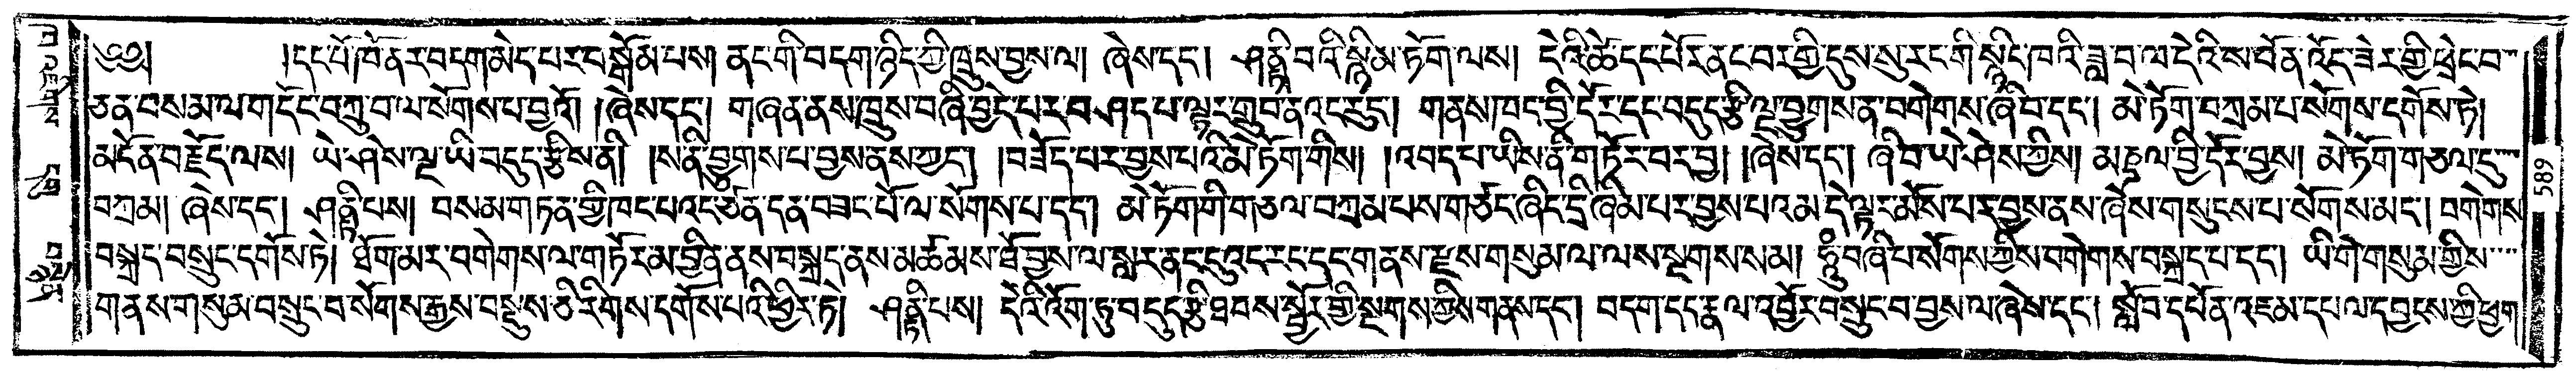༄༅། །དང་པོ་ཁོ་ནར་བདག་མེད་པར་བསྒོམ་པས། ནང་གི་བདག་ཉིད་ཀྱི་ཁྲུས་བྱས་ལ། ཞེས་དང་། ཤནྟི་བའི་སྙིམ་ཏོག་ལས། དེའི་ཚེ་དང་པོར་ནང་བར་གྱི་དུས་སུ་རང་གི་སྙིང་ཁའི་ཟླ་བ་ལ་དེའི་ས་བོན་འོད་ཟེར་གྱི་ཕྲེང་བ་
ཅན་བསམ་ལ་གདོང་བཀྲུ་བ་ལ་སོགས་པ་བྱའོ། །ཞེས་དང་། གཞན་ནས་ཁྲུས་བཞི་བྱེད་པར་བཤད་པ་ལྟར་གྲུབ་ནའང་རུང་། གནས་ཁང་བྱི་དོར་དང་བདུད་རྩི་ལྔ་བྱུགས་ན་བགེགས་ཞི་བ་དང་། མེ་ཏོག་བཀྲམ་པ་སོགས་དགོས་ཏེ།
མངོན་བརྗོད་ལས། ཡེ་ཤེས་ལྔ་ཡི་བདུད་རྩིས་ནི། །ས་ནི་བྱུགས་པ་བྱས་ནས་ཀྱང་། །བཟོད་པར་བྱས་པའི་མེ་ཏོག་གིས། །འབད་པ་ཡིས་ནི་གཏོར་བར་བྱ། །ཞེས་དང་། ཞི་བ་ཡེ་ཤེས་ཀྱིས། མཎྜལ་བྱི་དོར་བྱས། མེ་ཏོག་གཅལ་དུ་
བཀྲམ། ཞེས་དང་། ཤནྟི་པས། བསམ་གཏན་གྱི་ཁང་པའང་ཙན་དན་བཟང་པོ་ལ་སོགས་པ་དང་། མེ་ཏོག་གི་གཅལ་བཀྲམ་པས་གཙང་ཞིང་དྲི་ཞིམ་པར་བྱས་པའམ་དེ་ལྟར་མོས་པར་བྱས་ནས་ཞེས་གསུངས་པ་སོགས་མང་། བགེགས་
བསྐྲད་བསྲུང་དགོས་ཏེ། ཐོག་མར་བགེགས་ལ་གཏོར་མ་བྱིན་ནས་བསྐྲད་ནས་མཚམས་ཐོ་བྱས་ལ་སླར་ནང་དུའང་རང་དང་གནས་རྫས་གསུམ་ལ་ལས་སྔགས་སམ། ཧཱུཾ་བཞི་པ་སོགས་ཀྱིས་བགེགས་བསྐྲད་པ་དང་། ཡི་གེ་གསུམ་གྱིས་
གནས་གསུམ་བསྲུང་བ་སོགས་རྒྱས་བསྡུས་ཅི་རིགས་དགོས་པའི་ཕྱིར་ཏེ། ཤནྟི་པས། དེའི་འོག་ཏུ་བདུད་རྩི་ཐབས་སྦྱོར་གྱི་སྔགས་ཀྱིས་གནས་དང་། བདག་དང་རྣལ་འབྱོར་བསྲུང་བ་བྱས་ལ་ཞེས་དང་། སློབ་དཔོན་འཇམ་དཔལ་དབྱངས་ཀྱི་ཕྱག་